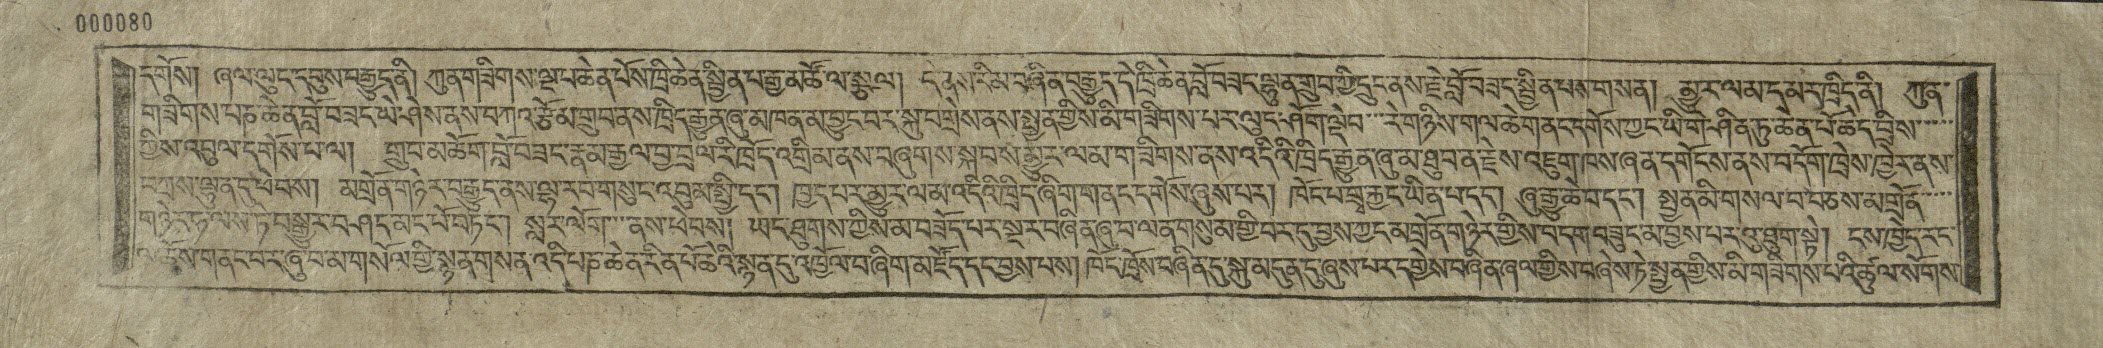དགོས། ཞལ་ལུང་དབུས་བརྒྱུད་ནི། ཀུན་གཟིགས་ལྔ་པ་ཆེན་པོས་ཁྲི་ཆེན་སྦྱིན་པ་རྒྱ་མཚོ་ལ་སྩལ། དེ་ནས་རིམ་བཞིན་བརྒྱུད་དེ་ཁྲི་ཆེན་བློ་བཟང་ལྷུན་གྲུབ་ཀྱི་དྲུང་ནས་རྗེ་བློ་བཟང་སྦྱིན་པས་གསན། མྱུར་ལམ་དམར་ཁྲིད་ནི། ཀུན་
གཟིགས་པཎ་ཆེན་བློ་བཟང་ཡེ་ཤེས་ནས་བཀའ་རྩོམ་གྲུབ་ནས་ཁྲིད་རྒྱུན་ཞུ་མཁན་མ་བྱུང་བར་སྐུ་བགྲེས་ནས་སྤྱན་གྱིས་མི་གཟིགས་པར་ལུང་ཤོག་ལྡེབ་རེ་གཉིས་གལ་ཆེ་གནང་དགོས་ཀྱང་ཡི་གེ་ཤིན་ཏུ་ཆེན་པོ་ཆེད་བྲིས་
ཀྱིས་འབུལ་དགོས་པ་ལ། གྲུབ་མཆོག་བློ་བཟང་རྣམ་རྒྱལ་བྱ་བྲལ་རི་ཁྲོད་འགྲིམ་ནས་བཞུགས་སྐབས་མྱུར་ལམ་གཟིགས་ནས་འདིའི་ཁྲིད་རྒྱུན་ཞུ་མ་ཐུབ་ན་རྗེས་འཇུག་ཁས་ཞན་དགོངས་ནས་བདོག་ཁྲེས་ཁྱེར་ནས་
བཀྲས་ལྷུན་དུ་ཕེབས། མགྲོན་གཉེར་བརྒྱུད་ནས་ལྷ་རབ་གསུང་འབུམ་སྤྱི་དང་། ཁྱད་པར་མྱུར་ལམ་འདིའི་ཁྲིད་ཞིག་གནང་དགོས་ཞུས་པར། ཁོང་པ་གྲྭ་རྐྱང་ཡིན་པ་དང་། ཞུ་རྒྱུ་ཆེ་བ་དང་། སྤྱན་མི་གསལ་བ་བཅས་མགྲོན་
གཉེར་ཧ་ལས་ཏེ་བསྒྱུར་བཤད་མང་པོ་བཏང་། སླར་ལོག་ནས་ཕེབས། ཡང་ཐུགས་ཀྱིས་མ་བཟོད་པར་སྔར་བཞིན་ཞུ་བ་ལན་གསུམ་གྱི་བར་དུ་བྱས་ཀྱང་མགྲོན་གཉེར་གྱིས་བདག་བཟུང་མ་བྱས་པར་འུ་ཐུག་སྟེ། ངས་ཁྱེད་རང་
ལ་ཆོས་གནང་བར་ཞུ་བ་མ་གསོལ་གྱི་སྙན་གསན་འདི་པཎ་ཆེན་རིན་པོ་ཆེའི་སྙན་དུ་འཁྱོལ་བ་ཞིག་མཛོད་དང་བྱས་པས། ཁོང་ཁྲོས་བཞིན་དུ་སྐུ་མདུན་དུ་ཞུས་པར་དགྱེས་བཞིན་ཞལ་གྱིས་བཞེས་ཏེ་སྤྱན་གྱིས་མི་གཟིགས་པའི་ཚུལ་སོགས་